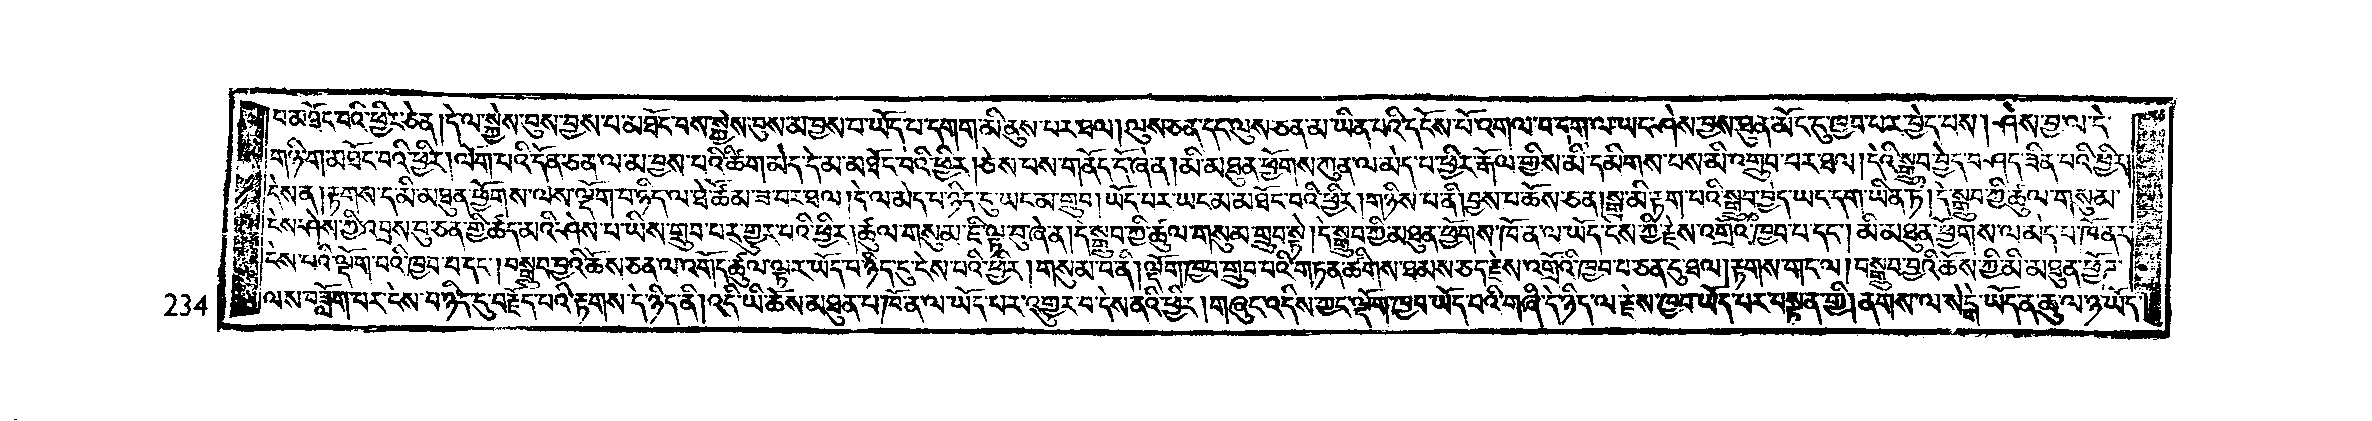པ་མཐོང་བའི་ཕྱིར་ཅེ་ན། དེ་ལ་སྐྱེས་བུས་བྱས་པ་མཐོང་བས་སྐྱེས་བུས་མ་བྱས་པ་ཡོད་པ་དགག་མི་ནུས་པར་ཐལ། ལུས་ཅན་དང་ལུས་ཅན་མ་ཡིན་པའི་དངོས་པོ་འགལ་བ་དག་ལ་ཡང་ཤེས་བྱས་ཐུན་མོང་དུ་ཁྱབ་པར་བྱེད་པས། ཤེས་བྱ་ལ་དེ་
གཉི་ག་མཐོང་བའི་ཕྱིར། ལོག་པའི་དོན་ཅན་ལ་མ་བྱས་པའི་ཚིག་མེད་དེ་མ་མཐོང་བའི་ཕྱིར། ཅེས་པས་གནོད་དོ་ཞེ་ན། མི་མཐུན་ཕྱོགས་ཀུན་ལ་མེད་པ་ཕྱིར་རྒོལ་གྱིས་མི་དམིགས་པས་མི་འགྲུབ་པར་ཐལ། དེའི་སྒྲུབ་བྱེད་བཤད་ཟིན་པའི་ཕྱིར།
དེས་ན། རྟགས་དེ་མི་མཐུན་ཕྱོགས་ལས་ལྡོག་པ་ཉིད་ལ་ཐེ་ཚོམ་ཟ་བར་ཐལ། དེ་ལ་མེད་པ་ཉིད་དུ་ཡང་མ་གྲུབ། ཡོད་པར་ཡང་མ་མཐོང་བའི་ཕྱིར། གཉིས་པ་ནི། བྱས་པ་ཆོས་ཅན། སྒྲ་མི་རྟག་པའི་སྒྲུབ་བྱེད་ཡང་དག་ཡིན་ཏེ། དེ་སྒྲུབ་ཀྱི་ཚུལ་གསུམ་
ངེས་ཤེས་ཀྱི་འབྲས་བུ་ཅན་གྱི་ཚད་མའི་ཤེས་པ་ཡིས་གྲུབ་པར་གྱུར་པའི་ཕྱིར། ཚུལ་གསུམ་ཇི་ལྟ་བུ་ཞེ་ན། དེ་སྒྲུབ་ཀྱི་ཚུལ་གསུམ་གྲུབ་སྟེ། དེ་སྒྲུབ་ཀྱི་མཐུན་ཕྱོགས་ཁོ་ན་ལ་ཡོད་ངེས་ཀྱི་རྗེས་འགྲོའི་ཁྱབ་པ་དང་། མི་མཐུན་ཕྱོགས་ལ་མེད་པ་ཁོ་ནར་
ངེས་པའི་ལྡོག་པའི་ཁྱབ་པ་དང་། བསྒྲུབ་བྱའི་ཆོས་ཅན་ལ་འགོད་ཚུལ་ལྟར་ཡོད་པ་ཉིད་དུ་ངེས་པའི་ཕྱིར། གསུམ་པ་ནི། ལྡོག་ཁྱབ་གྲུབ་པའི་གཏན་ཚིགས་ཐམས་ཅད་རྗེས་འགྲོའི་ཁྱབ་པ་ཅན་དུ་ཐལ། རྟགས་གང་ལ། བསྒྲུབ་བྱའི་ཆོས་ཀྱི་མི་མཐུན་ཕྱོཌ་
ལས་བཟློག་པར་ངེས་པ་ཉིད་དུ་བརྗོད་པའི་རྟགས་དེ་ཉིད་ནི། འདི་ཡི་ཆོས་མཐུན་པ་ཁོ་ན་ལ་ཡོད་པར་འགྱུར་བ་དེས་ནའི་ཕྱིར། གཞུང་འདིས་ཀྱང་ལྡོག་ཁྱབ་ཡོད་པའི་གཞི་དེ་ཉིད་ལ་རྗེས་ཁྱབ་ཡོད་པར་བསྟན་གྱི། ནགས་ལ་སེངགེ་ཡོད་ན་ཆུ་ལ་ཉ་ཡོད་